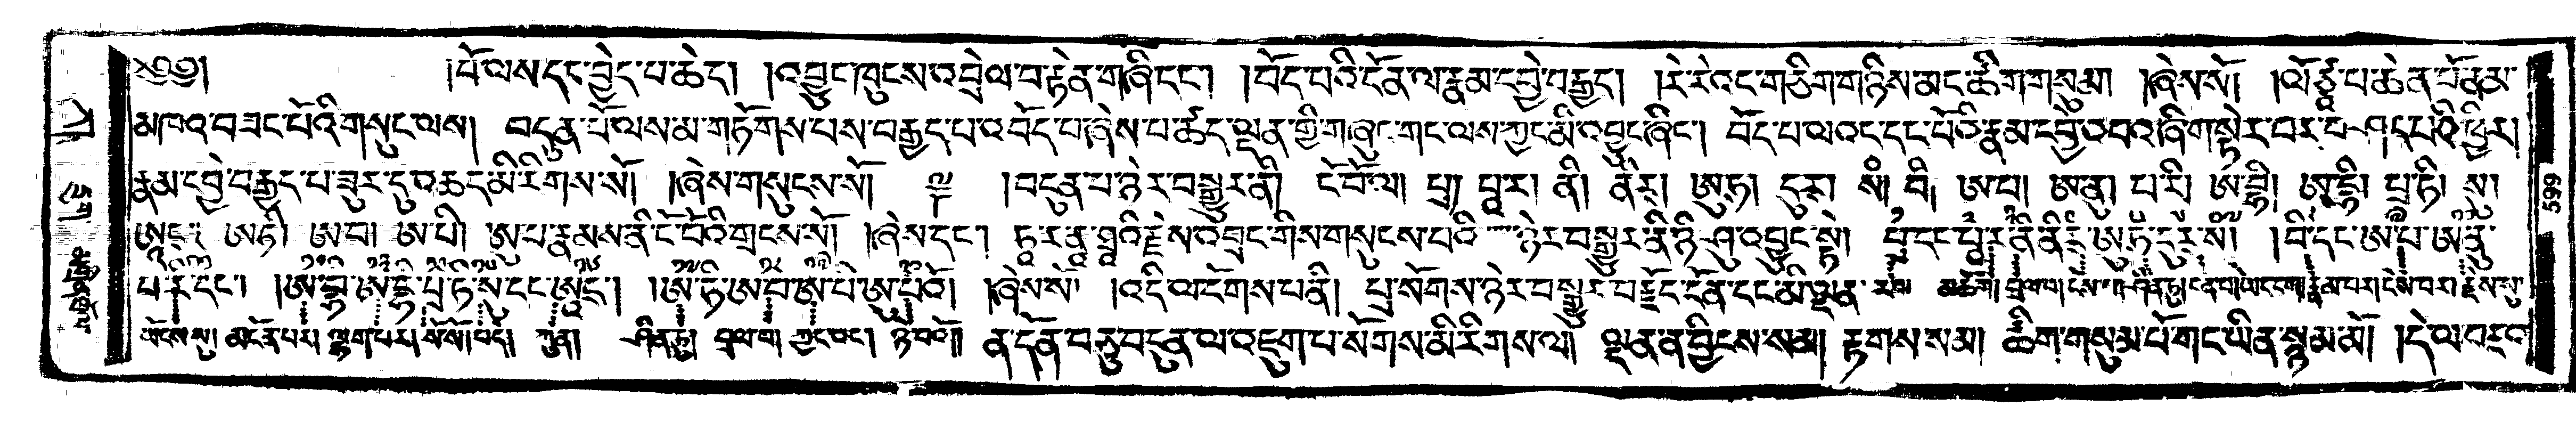༄༅། །པོ་ལས་དང་བྱེད་པ་ཆེད། །འབྱུང་ཁུངས་འབྲེལ་བ་རྟེན་གཞི་དང་། །བོད་པའི་དོན་ལ་རྣམ་དབྱེ་བརྒྱད། །རེ་རེ་འང་གཅིག་གཉིས་མང་ཚིག་གསུམ། །ཞེས་སོ། །ལོཙཱ་པ་ཆེན་པོ་ནམ་
མཁའ་བཟང་པོའི་གསུང་ལས། བདུན་པོ་ལས་མ་གཏོགས་པས་བརྒྱད་པ་འབོད་བ་ཞེས་པ་ཚད་ལྡན་གྱི་གཞུང་གང་ལས་ཀྱང་མི་འབྱུང་ཞིང་། བོད་པ་ལའང་དང་པོའི་རྣམ་དབྱེ་འབའ་ཞིག་སྟེར་བར་བཤད་པའི་ཕྱིར།
རྣམ་དབྱེ་བརྒྱད་པ་ཟུར་དུ་འཆད་མི་རིགས་སོ། །ཞེས་གསུངས་སོ། ༈ །བདུན་པ་ཉེར་བསྒྱུར་ནི། ངོ་བོ་ལ། པྲ། པཱ་ར། ནི། ནིར། ཨུ་ཏ། དུར། སཾ། བཾ། ཨ་པ། ཨ་ནུ། པ་རི། ཨ་བྷི། ཨ་དྷི། པྲ་ཏི། སུ།
ཨཱང?། ཨ་ཏི། ཨ་བ། ཨ་པི། ཨུ་པ་རྣམས་ནི་ངོ་བོའི་གྲངས་སོ། །ཞེས་དང་། ཏཱ་ར་ནཱ་ཐའའི་རྗེས་འབྲང་གིས་གསུངས་པའི་ཉེར་བསྒྱུར་ནི་ཉི་ཤུ་འབྱུང་སྟེ། པྲ་དང་པར་ནི་ནི་རི་ཨུ་ཏཾ་དུར་ས། །བི་དང་ཨ་པ་ཨ་ནུ་
པ་རི་དང་། །ཨ་བྷི་ཨ་དྷི་པྲ་ཏི་སུ་དང་ཨཱད། །ཨ་ཏི་ཨ་བ་ཨ་པི་ཨུ་པའོ། །ཞེས་སོ། །འདི་ལ་དོགས་པ་ནི། པྲ་སོགས་ཉེར་བསྒྱུར་བརྗོད་དོན་དང་ལྡན་རལ་མཆོག། བྲལ་པ། ངེས་བཤན་ཏུ། ངན་བ། ཡེ་དང་བ། རྣམ་བར། ངེས་བར། རྗེས་སུ་
ཡོངས་སུ། མངོན་པར། ལྷག་པར། སོ་སོ། བདེ། ཀུན། ཤིན་ཏུ། བྲལ་བ། ཀྱང་བང་། ཉ་བའོ། ན་དོན་བཅུ་བདུན་ལ་འཇུག་པ་སོགས་མི་རིགས་ལ། ལྡན་ན་བྱིངས་སམ། རྟགས་སམ། ཚིག་གསུམ་པོ་གང་ཡིན་སྙམ་མོ། །དེ་ལ་བརྡའ་